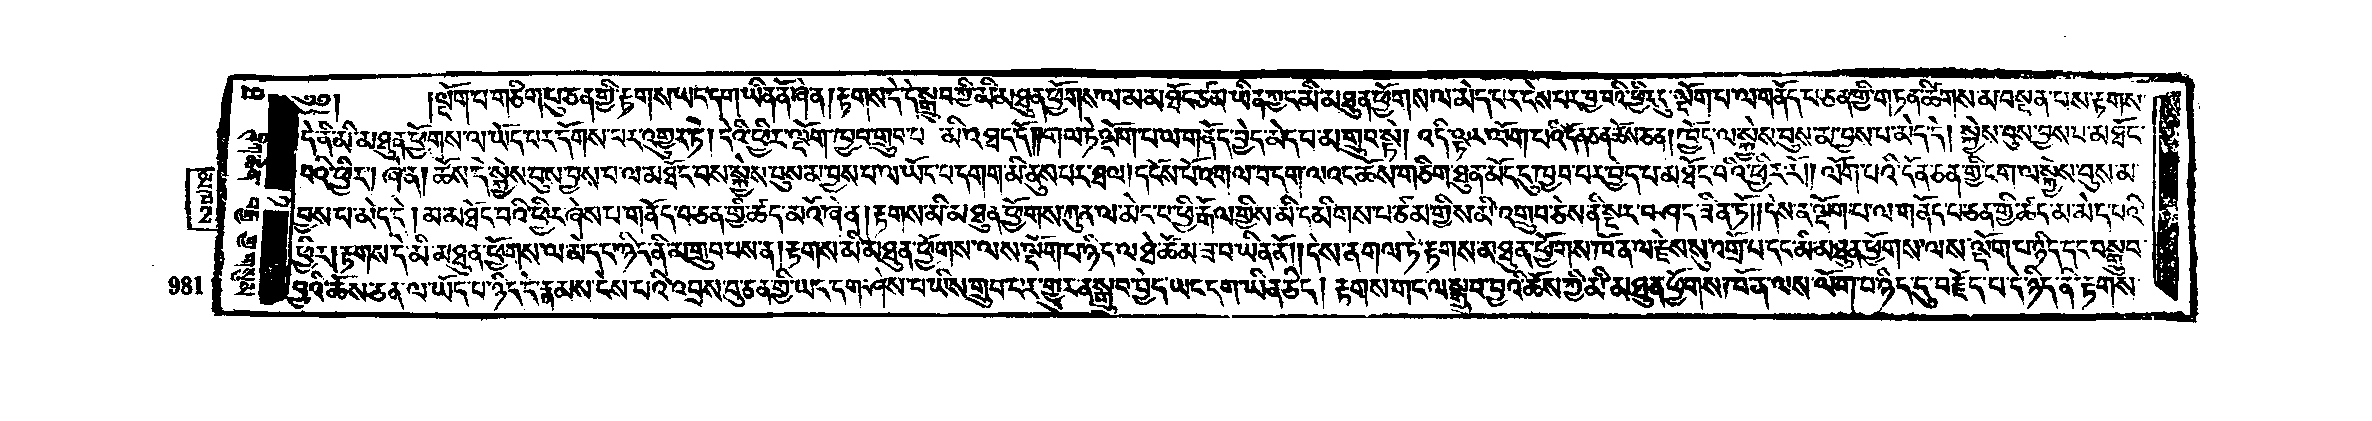༄༅། །ལྡོག་པ་གཅིག་པུ་ཅན་གྱི་རྟགས་ཡང་དག་ཡིན་ནོ་ཞེ་ན། རྟགས་དེ་དེ་སྒྲུབ་ཀྱི་མི་མཐུན་ཕྱོགས་ལ་མ་མཐོང་ཙམ་ཡིན་ཀྱང་མི་མཐུན་ཕྱོགས་ལ་མེད་པར་ངེས་པར་བྱ་བའི་ཕྱིར་དུ་ལྡོག་པ་ལ་གནོད་པ་ཅན་གྱི་གཏན་ཚིགས་མ་བསྟན་པས་རྟགས་
དེ་ནི་མི་མཐུན་ཕྱོགས་ལ་ཡོད་པར་དོགས་པར་འགྱུར་ཏེ། དེའི་ཕྱིར་ལྡོག་ཁྱབ་གྲུབ་པ་མི་འཐད་དོ། །གལ་ཏེ་ལྡོག་པ་ལ་གནོད་བྱེད་མེད་པ་མ་གྲུབ་སྟེ། འདི་ལྟར་ལོག་པའི་དོན་ཅན་ཆོས་ཅན། ཁྱོད་ལ་སྐྱེས་བུས་མ་བྱས་པ་མེད་དེ། སྐྱེས་བུས་བྱས་པ་མཐོང་བའི་ཕྱིར། ཞེ་ན། ཆོས་དེ་སྐྱེས་བུས་བྱས་པ་ལ་མཐོང་བས་སྐྱེས་བུས་མ་བྱས་པ་ལ་ཡོད་པ་དགག་མི་ནུས་པར་ཐལ། དངོས་པོ་འགལ་བ་དག་ལའང་ཆོས་གཅིག་མཐུན་མོང་དུ་ཁྱབ་པར་བྱེད་པ་མཐོང་བའི་ཕྱིར་རོ། །ལོག་པའི་དོན་ཅན་གྱི་ངག་ལ་སྐྱེས་བུས་མ་
བྱས་པ་མེད་དེ། མ་མཐོང་བའི་ཕྱིར་ཞེས་པ་གནོད་པ་ཅན་གྱི་ཚད་མའོ་ཞེ་ན། རྟགས་མི་མཐུན་ཕྱོགས་ཀུན་ལ་མེད་པ་ཕྱི་རྒོལ་གྱིས་མི་དམིགས་པ་ཙམ་གྱིས་མི་འགྲུབ་ཅེས་ནི་སྔར་བཤད་ཟིན་ཏོ། །དེས་ན་ལྡོག་པ་ལ་གནོད་པ་ཅན་གྱི་ཚད་མ་མེད་པའི་
ཕྱིར། རྟགས་དེ་མི་མཐུན་ཕྱོགས་ལ་མེད་པ་ཉིད་ནི་མ་གྲུབ་པས་ན། རྟགས་མི་མཐུན་ཕྱོགས་ལས་ལྡོག་པ་ཉིད་ལ་ཐེ་ཚོམ་ཟ་བ་ཡིན་ནོ། །དེས་ན་གལ་ཏེ་རྟགས་མཐུན་ཕྱོགས་ཁོ་ན་ལ་རྗེས་སུ་འགྲོ་བ་དང་མི་མཐུན་ཕྱོགས་ལས་ལྡོག་པ་ཉིད་དང་བསྒྲུབ་
བྱའི་ཆོས་ཅན་ལ་ཡོད་པ་ཉིད་དེ་རྣམས་ངེས་པའི་འབྲས་བུ་ཅན་གྱི་ཡང་དག་ཤེས་པ་ཡིས་གྲུབ་པར་གྱུར་ན་སྒྲུབ་བྱེད་ཡང་དག་ཡིན་ཅིང་། རྟགས་གང་ལ་སྒྲུབ་བྱའི་ཆོས་ཀྱི་མི་མཐུན་ཕྱོགས་ཁོ་ན་ལས་ལོག་པ་ཉིད་དུ་བརྗོད་པ་དེ་ཉིད་ནི་རྟགས་